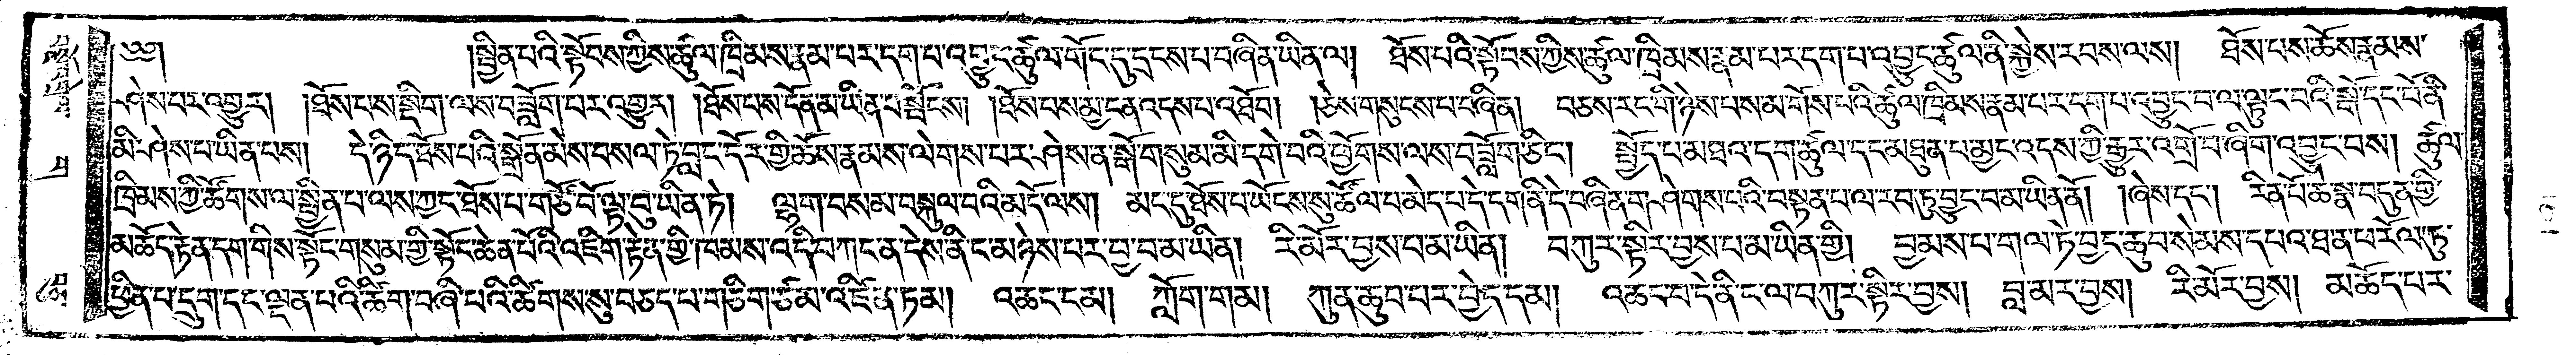༄༅། །སྤྱིན་པའི་སྟོབས་ཀྱིས་ཚུལ་ཁྲིམས་རྣམ་པར་དག་བ་འབྱུང་ཚུལ་གོང་དུ་དྲངས་པ་བཞིན་ཡིན་ལ། ཐོས་པའི་སྟོབས་ཀྱིས་ཚུལ་ཁྲིམས་རྣམ་པར་དག་བ་འབྱུང་ཚུལ་ནི་སྐྱེས་རབས་ལས། ཐོས་པས་ཆོས་རྣམས་
ཤེས་པར་འགྱུར། །ཐོས་པས་སྡིག་ལས་བཟློག་བར་འགྱུར། །ཐོས་པས་དོན་མ་ཡིན་པ་སྤོངས། །ཐོས་པས་མྱ་ངན་འདས་པ་འཐོབ། །ཅེས་གསུངས་པ་བཞིན། བཅས་རང་གི་ཉེས་པས་མགོས་པའི་ཚུལ་ཁྲིམས་རྣམ་པར་དག་པ་འབྱུང་བ་ལ་ལྟུང་བའི་སྒོ་དང་བོ་ནི་
མི་ཤེས་པ་ཡིན་པས། དེ་ཉིད་ཐོས་པའི་སྒྲོན་མེས་བསལ་ཏེ་བླང་དོར་གྱི་ཆོས་རྣམས་ལེགས་པར་ཤེས་ན་སྒོ་གསུམ་མི་དགེ་བའི་ཕྱོགས་ལས་བཟློག་ཅིང་། སྤྱོད་པ་མཐའ་དག་ཚུལ་དང་མཐུན་པ་མྱང་འདས་ཀྱི་རྒྱུར་འགྲོ་བ་ཞིག་འབྱུང་བས། ཚུལ་
ཁྲིམས་ཀྱི་ཚོགས་ལ་སྦྱིན་པ་ལས་ཀྱང་ཐོས་པ་གྞོ་བོ་ལྟ་བུ་ཡིན་ཏེ། ལྷག་བསམ་བསྐུལ་བའི་མདོ་ལས། མང་དུ་ཐོས་བ་ཡོངས་སུ་ཚོལ་བ་མེད་པ་དེ་དག་ནི་དེ་བཞིན་གཤེགས་པའི་བསྟན་པ་ལ་རབ་ཏུ་བྱུང་བ་མ་ཡིན་ནོ། །ཞེས་དང་། རིན་པོ་ཆེ་སྣ་བདུན་གྱི་
མཆོད་རྟེན་དག་གིས་སྟོང་གསུམ་གྱི་སྟོང་ཆེན་པོའི་འཇིག་རྟེན་གྱི་ཁམས་འདི་བཀང་ན་དེས་ནི་ང་མཉེས་པར་བྱ་བ་མ་ཡིན། རི་མོར་བྱས་བ་མ་ཡིན། བཀུར་སྟིར་བྱས་པ་མ་ཡིན་གྱི། བྱམས་པ་གལ་ཏེ་བྱང་ཆུབ་སེམས་དཔའ་ཐན་པ་རོལ་ཏུ་
ཕྱིན་པ་དྲུག་དང་ལྡན་པའི་ཚིག་བཞི་པའི་ཚིགས་སུ་བཅད་པ་གཅིག་ཙམ་འཛིན་ཏམ། འཆང་ངམ། ཀློག་གམ། ཀུན་ཆུབ་པར་བྱེད་དམ། འཆང་བ་དེ་ནི་ང་ལ་བཀུར་སྟིར་བྱས། བླ་མར་བྱས། རི་མོར་བྱས། མཆོད་པར་